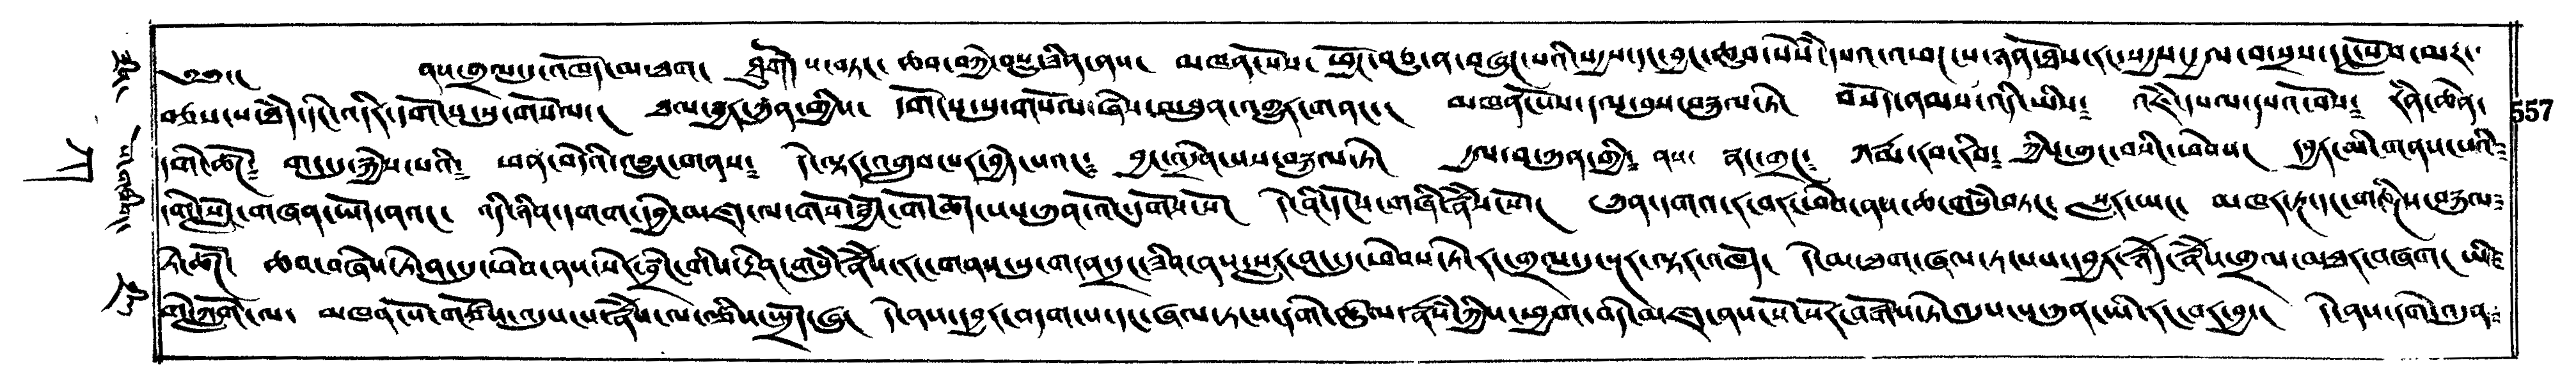ནས་གྲལ་དུ་འཁོད་མ་ཐག ཐུག༽ པ་བཏང་། ཆབ་བཀྱེ་བསྡུ་ཟིན་ནས། མཁན་པོས། ཕྱོགས་བཅུ་ན་བཞུགས་པའི་སངས་རྒྱས་དང་བྱང་ཆུབ་སེམས་དཔའ་འཕགས་པ་ཉན་ཐོས་རང་སངས་རྒྱས་རྒྱལ་བ་སྲས་དང་སློབ་མར་
བཅས་པ་ཐམས་ཅད་དེང་འདིར་དགོངས་སུ་གསོལ། ཐལ་སྦྱར་ཀུན་ཀྱིས། དགོངས་སུ་གསོལ་ཞེས་མཐུན་འགྱུར་གནང་། མཁན་པོས་དལ་བུས་བསྐུལ་ཏེ། བསོད་ནམས་འདི་ཡིས།༴ འཇམ་དཔལ་དཔའ་བོས་༴ རིན་ཆེན་
དགེ་ཚོགས༴ གང་དུ་སྐྱེས་པའི༴ ཕན་བདེའི་འབྱུང་གནས༴ དེ་ལྟར་འགྲུབ་པར་བྱེད་པའང༴ བྱང་འདྲེན་པས་བསྐུལ་ཏེ། རྒྱལ་བ་ཀུན་ཀྱི་༴ ནས་སྣང་གྲགས༴ སྐར་མ་རབ་རིབ་༴ ཀྱིས་གུང་སེང་ཕེབས། དབྱར་མི་གནས་པའི་
དགེ་སློང་གཞན་ཡོད་ནའང་འདི་ཉིན་དགག་དབྱེ་མཛད་ན་གསོ་སྦྱོང་གོ་ཆོད་པས་ཀུན་འོང་དགོས་སོ། དེ་ནི་དངོས་གཞི་རྣམས་སོ། ཀུན་དགའ་ར་བར་ཕེབས་ནས་ཆ་གསུམ་བཏང་། སླར་ཡང་། མཁར་རྔ་དང་གཎྜིས་བསྐུལ་
ཏེ་ཚོགས། ཆབ་བཞེས་ཏེ་ནང་དུ་ཕེབས་ནས་སེར་སྦྲེངས་ཀྱིས་རྟེན་གསུམ་རྣམས་རང་གནས་སུ་གདན་དྲངས་ཟིན་ནས་སླར་ནང་དུ་ཕེབས་ཏེ་རང་གྲལ་དུ་སྔར་ལྟར་འཁོད། དེ་མ་ཐག་ཞལ་ཏ་པས་དབྱར་རྙེད་རྣམས་གྲལ་མཐར་བཞག། ཡི་
གེ་ཀློག་ལ་ མཁན་པོས་གཙོས་འདུས་པ་རྣམས་ལ་རྩིས་སྤྲོད་ཞུ། དེ་ནས་དབྱར་བདག་པ་དང་ཞལ་ཏ་པ་དགེ་ཚུལ་རྣམས་ཀྱིས་ཕྱག་བདེ་མཛད་ནས་སོ་སོར་བསྒོས་ཏེ་འདུས་པ་ཀུན་ཡི་རངས་བར་བྱ། དེ་ནས་དགེ་འདུན་